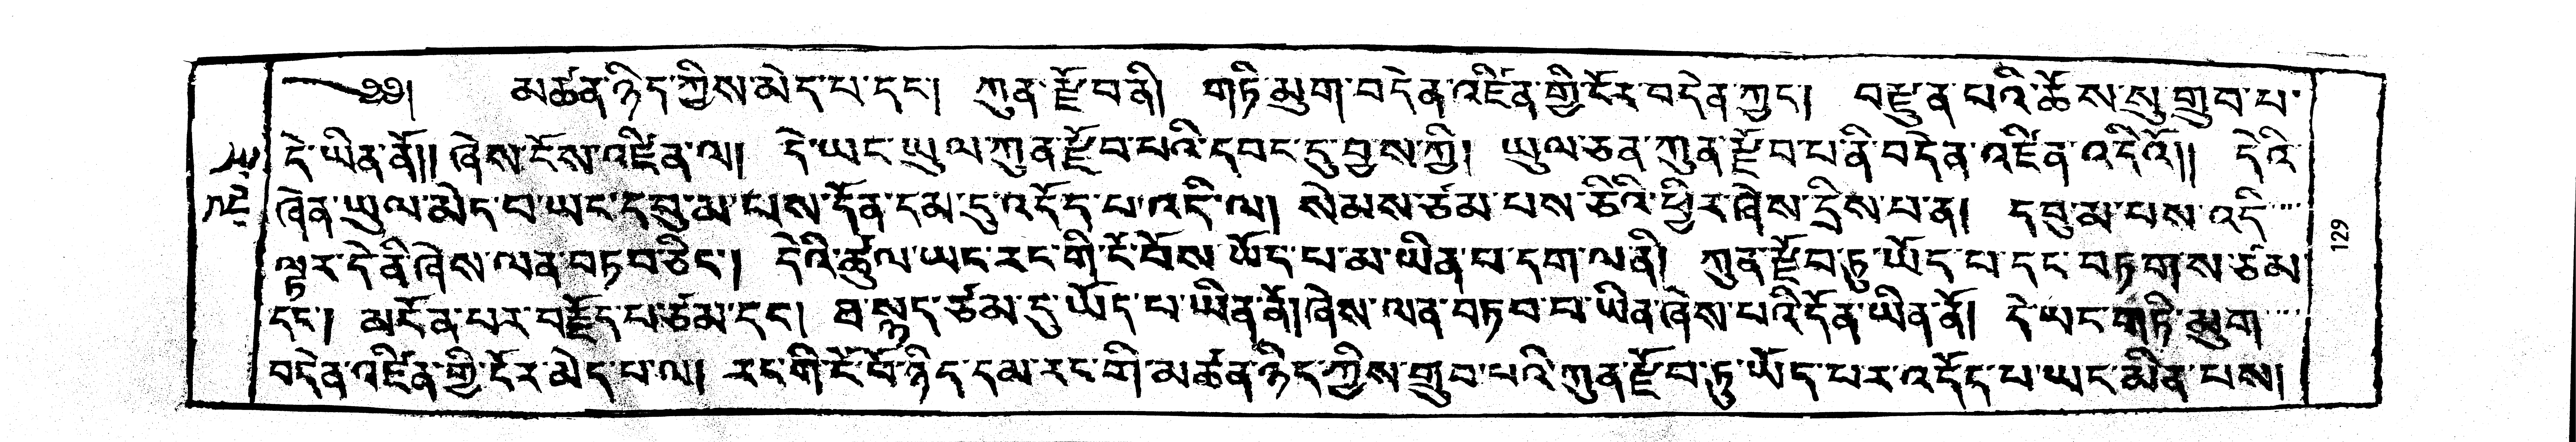༄༅། །མཚན་ཉིད་ཀྱིས་མེད་པ་དང་། ཀུན་རྫོབ་ནི། གཏི་མུག་བདེན་འཛིན་གྱི་ངོར་བདེན་ཀྱང་། བརྫུན་པའི་ཆོས་སུ་གྲུབ་པ་
དེ་ཡིན་ནོ། །ཞེས་ངོས་འཛིན་ལ། དེ་ཡང་ཡུལ་ཀུན་རྫོབ་པའི་དབང་དུ་བྱས་ཀྱི། ཡུལ་ཅན་ཀུན་རྫོབ་པ་ནི་བདེན་འཛིན་འདིའོ།། དེའི་
ཞེན་ཡུལ་མེད་པ་ཡང་དབུ་མ་པས་དོན་དམ་དུ་འདོད་པ་འདི་ལ། སེམས་ཙམ་པས་ཅིའི་ཕྱིར་ཞེས་དྲིས་པ་ན། དབུ་མ་པས་འདི་
ལྟར་དེ་ནི་ཞེས་ལན་བཏབ་ཅིང་། དེའི་ཚུལ་ཡང་རང་གི་ངོ་བོས་ཡོད་པ་མ་ཡིན་པ་དག་ལ་ནི། ཀུན་རྫོབ་ཏུ་ཡོད་པ་དང་བཏགས་ཙམ་
དང་། མངོན་པར་བརྗོད་པ་ཙམ་དང་། ཐ་སྙད་ཙམ་དུ་ཡོད་པ་ཡིན་ནོ། ཞེས་ལན་བཏབ་པ་ཡིན་ཞེས་པའི་དོན་ཡིན་ནོ། དེ་ཡང་གཏི་མུག་
བདེན་འཛིན་གྱི་ངོར་མེད་པ་ལ། རང་གི་ངོ་བོ་ཉིད་དམ་རང་གི་མཚན་ཉིད་ཀྱིས་གྲུབ་པའི་ཀུན་རྫོབ་ཏུ་ཡོད་པར་འདོད་པ་ཡང་མིན་པས།